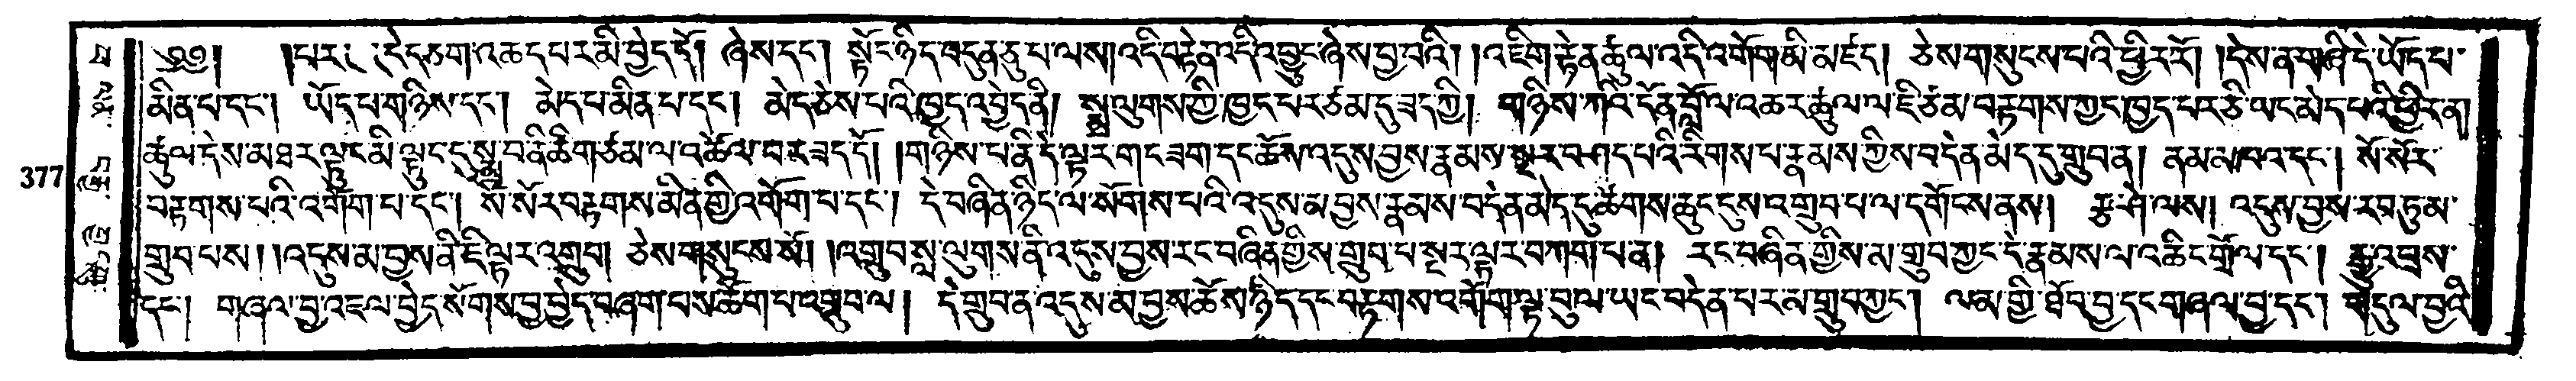༄༅། །པར༑ ༑ངེད་ཅག་འཆད་པར་མི་བྱེད་དོ། ཞེས་དང་། སྟོང་ཉིད་བདུན་ཅུ་པ་ལས། འདི་བརྟེན་འདི་འབྱུང་ཞེས་བྱ་བའི། །འཇིག་རྟེན་ཚུལ་འདི་འགོག་མི་མཛད། ཅེས་གསུངས་པའི་ཕྱིར་རོ། །དེས་ན་གཞི་དེ་ཡོད་པ་
མིན་པ་དང་། ཡོད་པ་གཉིས་དང་། མེད་པ་མིན་པ་དང་། མེད་ཅེས་པའི་ཁྱད་འབྱེད་ནི། སྨྲ་ལུགས་ཀྱི་ཁྱད་པར་ཙམ་དུ་ཟད་ཀྱི། གཉིས་ཀའི་དོན་བློ་ལ་འཆར་ཚུལ་ལ་ཇི་ཙམ་བརྟགས་ཀྱང་ཁྱད་པར་ཅི་ཡང་མེད་པའི་ཕྱིར་ན།
ཚུལ་དེས་མཐར་ལྟུང་མི་ལྟུང་དུ་སྨྲ་བ་ནི་ཚིག་ཙམ་ལ་འཚོལ་བར་ཟད་དོ། །གཉིས་པ་ནི་དེ་ལྟར་གང་ཟག་དང་ཆོས་འདུས་བྱས་རྣམས་སྔར་བཤད་པའི་རིགས་པ་རྣམས་ཀྱིས་བདེན་མེད་དུ་གྲུབ་ན། ནམ་མཁའ་དང་། སོ་སོར་
བརྟགས་པའི་འགོག་པ་དང་། སོ་སོར་བརྟགས་མིན་གྱི་འགོག་པ་དང་། དེ་བཞིན་ཉིད་ལ་སོགས་པའི་འདུས་མ་བྱས་རྣམས་བདེན་མེད་དུ་ཚེགས་ཆུང་དུས་འགྲུབ་པ་ལ་དགོངས་ནས། རྩ་ཤེ་ལས། འདུས་བྱས་རབ་ཏུ་མ་
གྲུབ་པས། །འདུས་མ་བྱས་ནི་ཇི་ལྟར་འགྲུབ། ཅེས་གསུངས་སོ། །འགྲུབ་སླ་ལུགས་ནི་འདུས་བྱས་རང་བཞིན་གྱིས་གྲུབ་པ་སྔར་ལྟར་བཀག་པ་ན། རང་བཞིན་གྱིས་མ་གྲུབ་ཀྱང་དེ་རྣམས་ལ་འཆིང་གྲོལ་དང་། རྒྱུ་འབྲས་
དང་། གཞལ་བྱ་འཇལ་བྱེད་སོགས་བྱ་བྱེད་བཞག་པས་ཆོག་པ་འགྲུབ་ལ། དེ་གྲུབ་ན་འདུས་མ་བྱས་ཆོས་ཉིད་དང་བརྟགས་འགོག་ལྟ་བུ་ལ་ཡང་བདེན་པར་མ་གྲུབ་ཀྱང་། ལམ་གྱི་ཐོབ་བྱ་དང་གཞལ་བྱ་དང་། གདུལ་བྱའི་